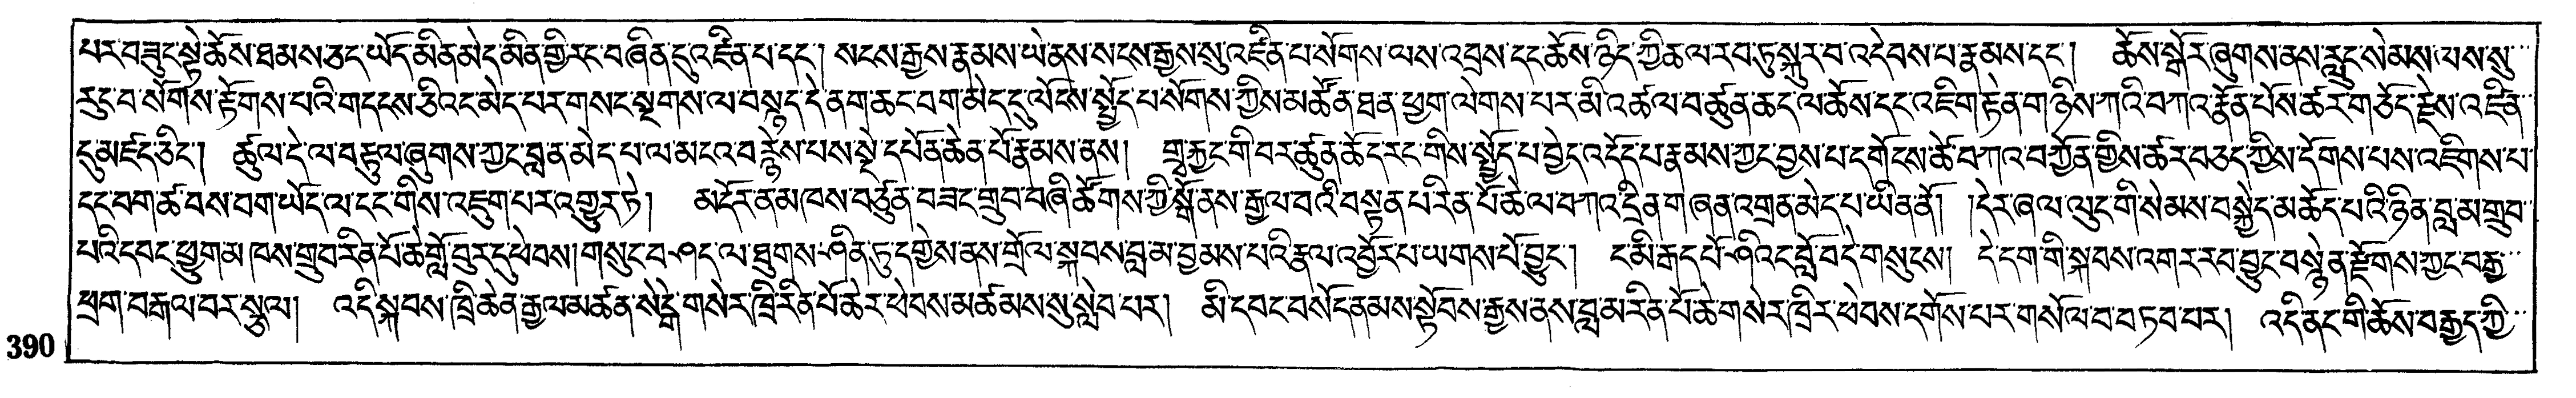པར་བཟུང་སྟེ་ཆོས་ཐམས་ཅད་ཡོད་མིན་མེད་མིན་གྱི་རང་བཞིན་དུ་འཛིན་པ་དང་། སངས་རྒྱས་རྣམས་ཡེ་ནས་སངས་རྒྱས་སུ་འཛིན་པ་སོགས་ལས་འབྲས་དང་ཆོས་ཉིད་ཀྱི་ཆ་ལ་རབ་ཏུ་སྐུར་བ་འདེབས་པ་རྣམས་དང་། ཆོས་སྒོར་ཞུགས་ནས་རླུང་སེམས་ལས་སུ་
རུང་བ་སོགས་རྟོགས་པའི་གདེངས་ཅིའང་མེད་པར་གསང་སྔགས་ལ་བསྙད་དེ་ནག་ཆང་བག་མེད་དུ་ལོངས་སྤྱོད་པ་སོགས་ཀྱིས་མཚོན་ཐན་ཕྱག་ལེགས་པར་མི་འཚལ་བ་ཚུན་ཆད་ལ་ཆོས་དང་འཇིག་རྟེན་གཉིས་ཀའི་བཀའ་རྣོན་པོས་ཚར་གཅོད་རྗེས་འཛིན་
དུ་མཛད་ཅིང་། ཚུལ་དེ་ལ་བརྟུལ་ཞུགས་ཀྱང་བླ་ན་མེད་པ་ལ་མངའ་བརྙེས་པས་སྡེ་དཔོན་ཆེན་པོ་རྣམས་ནས། གྲྭ་རྐྱང་གི་བར་ཚུན་ཆོད་རང་གིས་སྤྱོད་པ་བྱེད་འདོད་པ་རྣམས་ཀྱང་བྱས་པ་དགོངས་ཚེ་བཀའ་བཀྱོན་གྱིས་ཚར་བཅད་ཀྱིས་དོགས་པས་འཇིགས་པ་
དང་བག་ཚ་བས་བག་ཡོད་ལ་ངང་གིས་འཇུག་པར་འགྱུར་ཏེ། མདོར་ན་མཁས་བཙུན་བཟང་གྲུབ་བཞི་ཚོགས་ཀྱི་སྒོ་ནས་རྒྱལ་བའི་བསྟན་པ་རིན་པོ་ཆེ་ལ་བཀའ་དྲིན་གཞན་འགྲན་མེད་པ་ཡིན་ནོ། །ངེར་ཞལ་ལུང་གི་སེམས་བསྐྱེད་མཆོད་པའི་ཉིན་བླ་མ་གྲུབ་
པའི་དབང་ཕྱུག་མཁས་གྲུབ་རིན་པོ་ཆེ་གློ་བུར་དུ་ཕེབས། གསུང་བཤད་ལ་ཐུགས་ཤིན་ཏུ་དགྱེས་ནས་གྲོལ་སྐབས་བླ་མ་བྱམས་པའི་རྣལ་འབྱོར་པ་ཡགས་པོ་བྱུང་། ནྡ་མི་རྒད་པོ་ཤིའང་བློ་བདེ་གསུངས། དེ་དག་གི་སྐབས་འགར་རབ་བྱུང་བསྙེན་རྫོགས་ཀྱང་བརྒྱ་
ཕྲག་བརྒལ་བར་སྩལ། འདི་སྐབས་ཁྲི་ཆེན་རྒྱལ་མཚན་སེངྒེ་གསེར་ཁྲི་རིན་པོ་ཆེར་ཕེབས་མཚམས་སུ་སླེབ་པར། མི་དབང་བསོད་ནམས་སྟོབས་རྒྱས་ནས་བླ་མ་རིན་པོ་ཆེ་གསེར་ཁྲིར་ཕེབས་དགོས་པར་གསོལ་བ་བཏབ་པར། འདི་ནང་གི་ཆོས་བརྒྱད་ཀྱི་